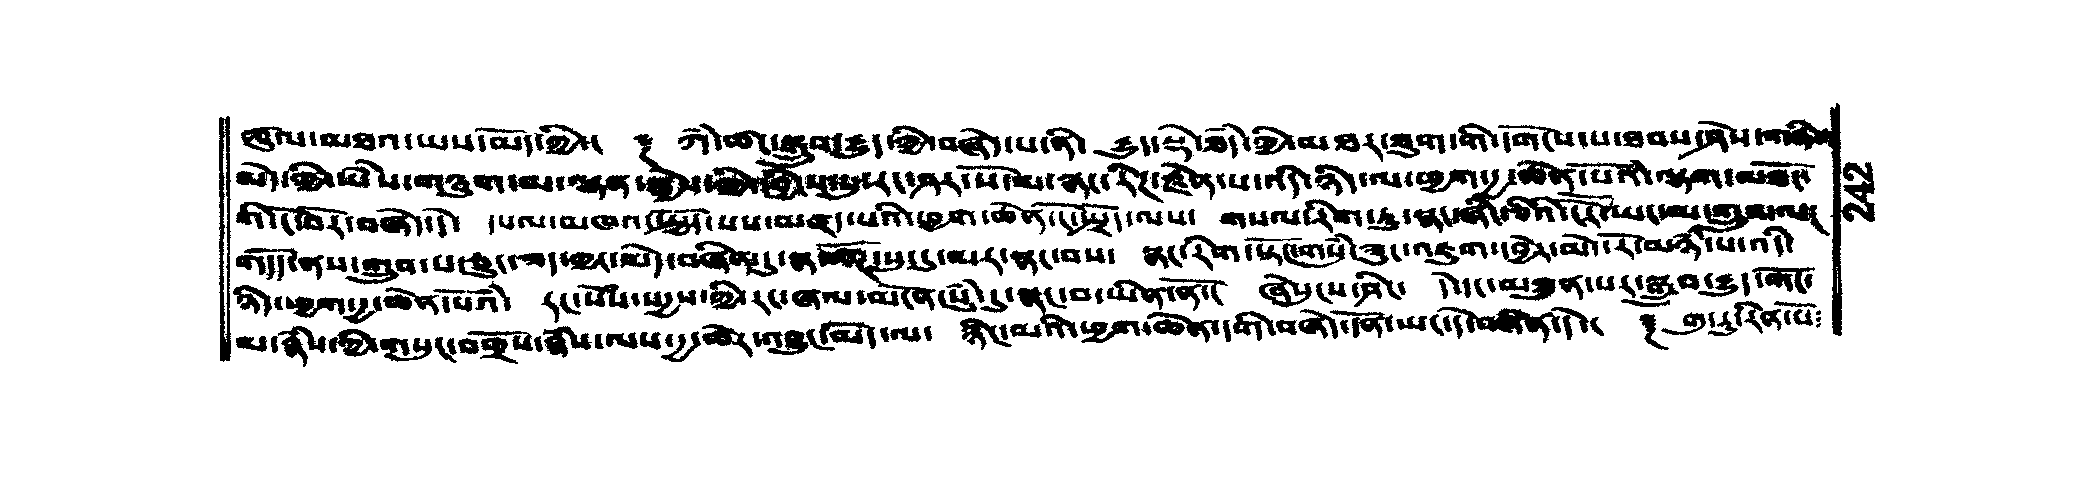ཚུལ་མཐའ་ཡས་མོད་ཀྱི། ཀམ་ཚང་སྒྲུབ་རྒྱུད་ཀྱི་བཞེད་པ་ནི། རྒྱུད་སྡེ་ཐམས་ཅད་ཀྱི་མཐར་ཐུག་གི་དགོངས་པ་ཐབས་ཤེས་གཉིས་
མེད་གྱི་ཡེ་ཤེས་གཉུག་མ་ལྷན་སྐྱེས་ཀྱི་དབྱིངས་སུ་རང་ཤར་སོ་མ་སྣང་རིག་རྗེན་པ་འདི་ཉིད་ལ་ཕྱག་རྒྱ་ཆེན་པོའམ་ལྷག་མཐོང་
གི་ངོ་བོར་བཞེད་དེ།དཔལ་མཁའ་སྤྱོད་པས་མཛད་པའི་ཕྱག་ཆེན་ངོ་སྤྲོད་ལས། གསལ་རིག་ཏུ་སྣང་ཞིང་ཅིའི་ངོ་བོར་ཡང་མ་གྲུབ་ལ། 
གདོད་ནས་གྲུབ་པ་ཅུང་ཟད་ཀྱང་མེད་བཞིན་དུ་སྣ་ཚོགས་སུ་དུ་མར་སྣང་བས། སྣང་རིག་སྟོང་གསུམ་ཟུང་འཇུག་དབྱེར་མེད་རོ་མཉམ་པ་འདི་
ཉིད་ཕྱག་རྒྱ་ཆེན་པོའམ། རང་སེམས་སངས་རྒྱས་ཀྱི་རང་ཞལ་མངོན་སུམ་དུ་སྣང་བ་ཡིན་ནོ། ཞེས་གསུངས་ཤིང་། དེ་དང་མཐུན་པར་སྒྲུབ་རྒྱུད་གོང་
མ་རྣམས་ཀྱི་གསུང་བགྲོས་རྣམས་ལས་རྒྱ་ཆེར་འབྱུང་མོད་ལ། སྙིང་མའི་ཕྱག་ཆེན་དག་གི་བཞེད་དོན་ཡང་དེ་བཞིན་དེ། ༈ གུ་རུ་རིན་པོ་